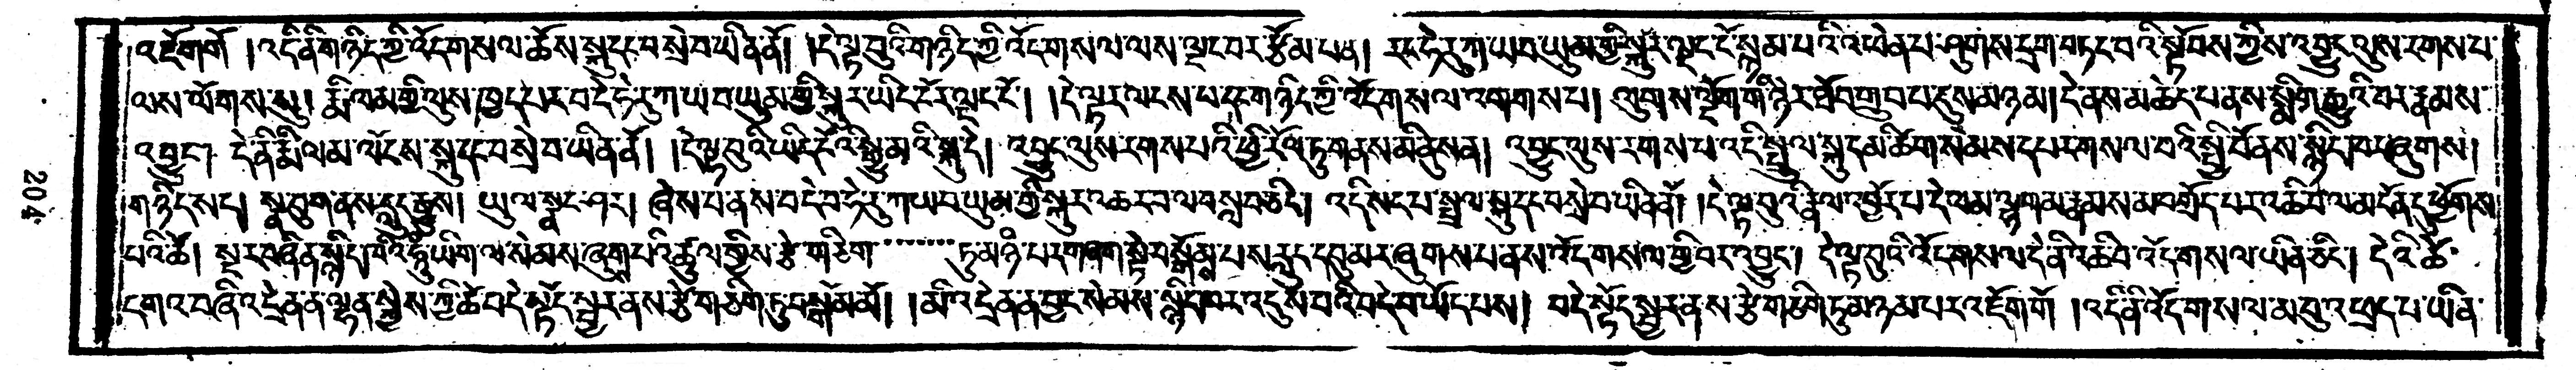འཇོག་གོ །འདི་ནི་གཉིད་ཀྱི་འོད་གསལ་ཆོས་སྐུ་དང་བསྲེབ་ཡིན་ནོ། །དེ་ལྟ་བུའི་གཉིད་ཀྱི་འོད་གསལ་ལས་ལྡང་བར་རྩོམ་པ་ན། རང་ཧེ་རུ་ཀ་ཡབ་ཡུམ་གྱི་སྐུར་ལྡང་ངོ་སྙམ་པའི་འཕེན་པ་ཤུགས་དྲག་བཏང་བའི་སྟོབས་ཀྱིས་འབྱུང་ལུས་རགས་པ་
ལས་ལོགས་སུ། རྨི་ལམ་གྱི་ལུས་ཁྱད་པར་བ་དེ་ཧེ་རུ་ཀ་ཡབ་ཡུམ་གྱི་སྐུར་ཡིད་ངོར་ལྡང་ངོ། །དེ་ལྟར་ལངས་པ་དང་གཉིད་ཀྱི་འོད་གསལ་འགགས་པ། ལུགས་ལྡོག་གི་ཉེར་ཐོབ་གྲུབ་པ་དུས་མཉམ། དེ་ནས་མཆེད་པ་ནས་སྨིག་རྒྱུའི་བར་རྣམས་
འབྱུང་། དེ་ནི་རྨི་ལམ་ལོངས་སྐུ་དང་བསྲེ་བ་ཡིན་ནོ། །དེ་ལྟ་བུའི་ཡིད་ངོའི་སྒྱུ་མའི་སྐུ་དེ། འབྱུང་ལུས་རགས་པའི་ཕྱི་རོལ་ཏུ་གནས་མི་ནུས་ན། འབྱུང་ལུས་རགས་པ་འདི་སྤྲུལ་སྐུ་དམ་ཚིག་སེམས་དཔར་གསལ་བའི་སྤྱི་བོ་ནས་སྙིང་ཁར་ཞུགས།
གཉིད་སད། སྣ་བུག་ནས་རླུང་རྒྱུས། ཡུལ་སྣང་ཤར། ཞེས་པ་ནས་བདེ་བ་ཧེ་རུ་ཀ་ཡབ་ཡུམ་གྱི་སྐུར་འཆར་བ་ལ་བསླབ་ཅིང་། འདི་སང་པ་སྤྲལ་སྐུ་དང་བསྲེ་བ་ཡིན་ནོ། །དེ་ལྟ་བུའི་རྣལ་འབྱོར་པ་དེ་ལམ་ལྷག་མ་རྣམས་མ་བགྲོད་པར་འཆི་བ་ལ་མངོན་དུ་ཕྱོགས་
པའི་ཚེ། སྔར་བཞིན་སྙིང་ཁའི་ཧཱུཾ་ཡིག་ལ་སེམས་ཞུགས་པའི་ཚུལ་གྱིས་རྩེ་གཅིག་ཏུ་མཉཾ་པར་གཞག་སྟེ་བསྒོམས་པས་རླུང་དབུ་མར་ཞུགས་པ་ནས་འོད་གསལ་གྱི་བར་འབྱུང་། དེ་ལྟ་བུའི་འོད་གསལ་དེ་ནི་འཆི་བ་འོད་གསལ་ཡིན་ཅིང་། དེའི་ཚེ་
དགའ་བཞི་འདྲེན་ན་ལྷན་སྐྱེས་ཀྱི་ཚེ་བདེ་སྟོད་སྦྱར་ནས་རྩེ་གཅིག་ཏུ་བསྒོམ་མོ། །མི་འདྲེན་ན་བྱང་སེམས་སྙིང་ཁར་འདུས་པའི་བདེ་བ་ཡོད་པས། བདེ་སྟོད་སྦྱར་ནས་རྩེ་གཅིག་ཏུ་མཉམ་པར་འཇོག་གོ །འདི་ནི་འོད་གསལ་མ་བུ་འཕྲད་པ་ཡིན་